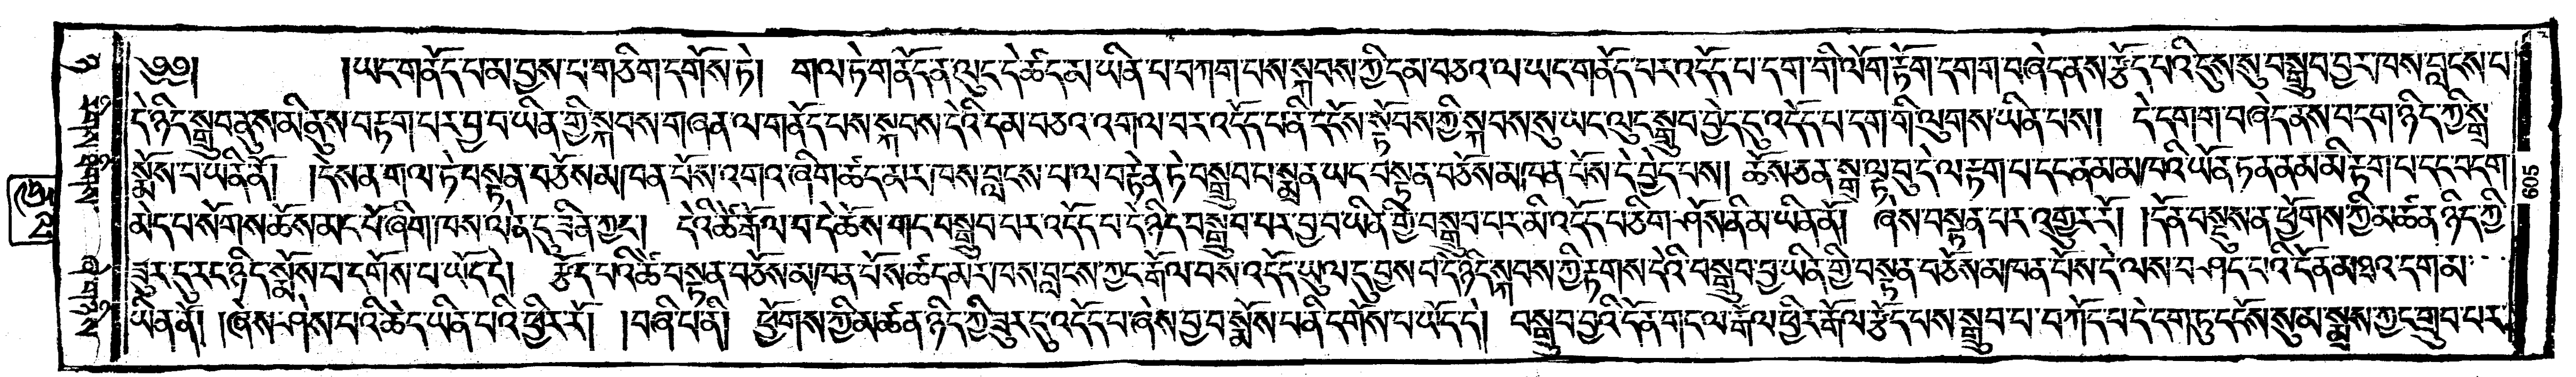༄༅། །ཡང་གནོད་པ་མ་བྱས་པ་གཅིག་དགོས་ཏེ། གལ་ཏེ་གནོད་ན་ལུང་དེ་ཚད་མ་ཡིན་པ་བཀག་པས་སྐབས་ཀྱི་དམ་བཅའ་ལ་ཡང་གནོད་པར་འདོད་པ་དག་གི་ལོག་རྟོག་དགག་བཞེད་ནས་རྩོད་པའི་དུས་སུ་བསྒྲུབ་བྱར་ཁས་བླངས་པ་
དེ་ཉིད་སྒྲུབ་ནུས་མི་ནུས་བརྟག་པར་བྱ་བ་ཡིན་གྱི་སྐབས་གཞན་ལ་གནོད་པས་སྐབས་དེའི་དམ་བཅའ་འགལ་བར་འདོད་པ་ནི་དངོས་སྟོབས་ཀྱི་སྐབས་སུ་ཡང་ལུང་སྒྲུབ་བྱེད་དུ་འདོད་པ་དག་གི་ལུགས་ཡིན་པས། དེ་དགག་བཞེད་ནས་བདག་ཉིད་ཀྱི་སྒྲ་
སྨོས་པ་ཡིན་ནོ། །དེས་ན་གལ་ཏེ་བསྟན་བཅོས་མཁན་པོས་འགའ་ཞིག་ཚད་མར་ཁས་བླངས་པ་ལ་བརྟེན་ཏེ་བསྒྲུབ་པ་སྨྲན་ཡང་བསྟན་བཅོས་མཁན་པོས་དེ་བྱེད་པས། ཆོས་ཅན་སྒྲ་ལྟ་བུ་དེ་ལ་རྟག་པ་དང་ནམ་མཁའི་ཡོན་ཏན་ནམ་མི་རྟག་པ་དང་བདག་
མེད་པ་སོགས་ཆོས་མང་པོ་ཞིག་ཁས་ལེན་དུ་ཟིན་ཀྱང་། དེའི་ཚེ་རྒོལ་བ་དེ་ཆོས་གང་བསྒྲུབ་པར་འདོད་པ་དེ་ཉིད་བསྒྲུབ་པར་བྱ་བ་ཡིན་གྱི་བསྒྲུབ་པར་མི་འདོད་པ་ཅིག་ཤོས་ནི་མ་ཡིན་ནོ། ཞེས་བསྟན་པར་འགྱུར་རོ། །དོན་བསྡུས་ན་ཕྱོགས་ཀྱི་མཚན་ཉིད་ཀྱི་
ཟུར་དུ་རང་ཉིད་སྨོས་པ་དགོས་པ་ཡོད་དེ། རྩོད་པའི་ཚེ་བསྟན་བཅོས་མཁན་པོས་ཚད་མར་ཁས་བླངས་ཀྱང་རྒོལ་བས་འདོད་ཡུལ་དུ་བྱས་བ་དེ་ཉིད་སྐབས་ཀྱི་རྟགས་དེའི་བསྒྲུབ་བྱ་ཡིན་གྱི་བསྟན་བཅོས་མཁན་པོས་དེ་ལས་བཤད་པའི་དོན་མཐའ་དག་མ་
ཡིན་ནོ། །ཞེས་ཤེས་པའི་ཆེད་ཡི་པའི་ཕྱིར་རོ། །བཞི་པ་ནི། ཕྱོགས་ཀྱི་མཚན་ཉིད་ཀྱི་ཟུར་དུ་འདོད་པ་ཞེས་བྱ་བ་སྨོས་པ་ནི་དགོས་པ་ཡོད་དེ། བསྒྲུབ་བྱའི་དོན་གང་ལ་རྒོལ་ཕྱིར་རྒོལ་རྩོད་པས་སྒྲུབ་པ་བཀོད་པ་དེ་དག་ཏུ་དངོས་སུ་མ་སྨྲས་ཀྱང་གྲུབ་པར་